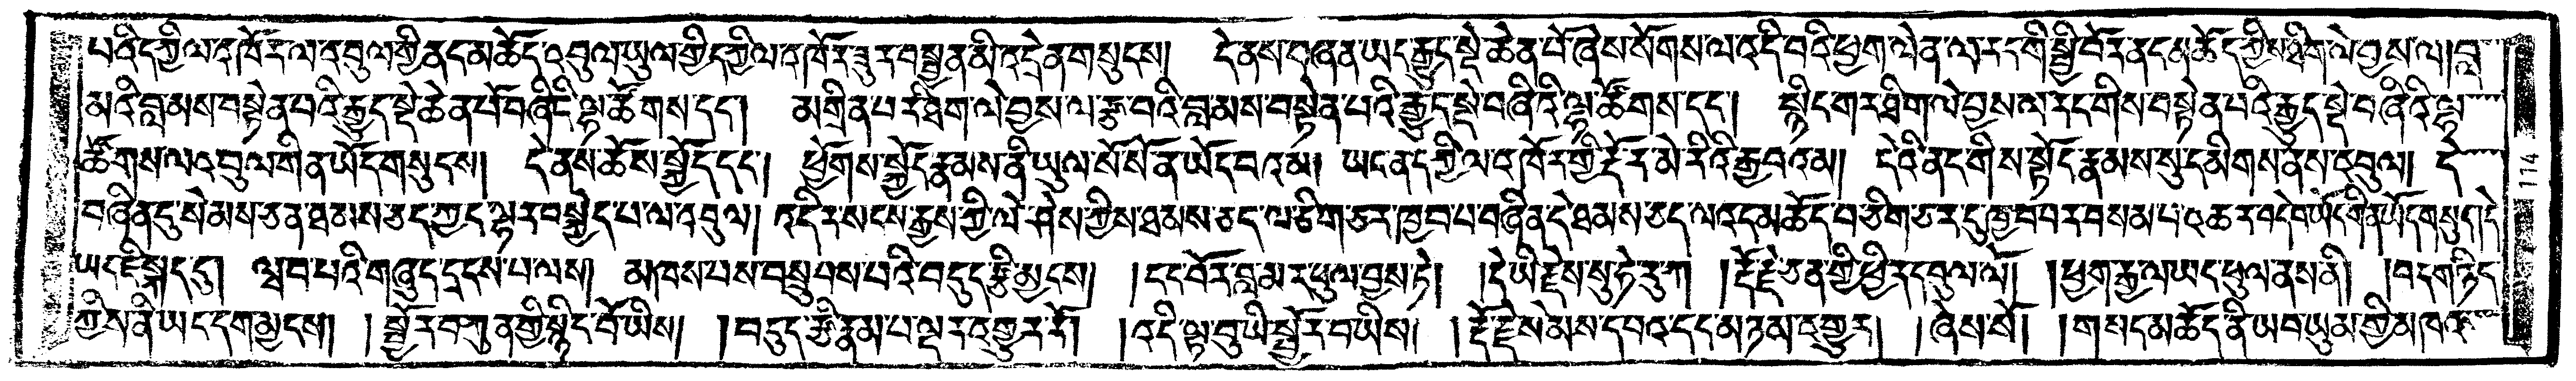པའི་དཀྱིལ་འཁོར་ལ་འབུལ་གྱི་ནང་མཆོད་འབུལ་ཡུལ་གྱི་དཀྱིལ་འཁོར་ཟུར་བ་སྤྱན་མི་འདྲེན་གསུངས། དེ་ནས་གཞན་ཡང་རྒྱུད་སྡེ་ཆེན་པོ་ཞེས་སོགས་ལ་འདི་བའི་ཕྱག་ལེན་ལ་རང་གི་སྤྱི་བོར་ནང་མཆོད་ཀྱིས་ཐིག་ལེ་བྱས་ལ། བླ་
མའི་བླ་མས་བསྟེན་པའི་རྒྱུད་སྡེ་ཆེན་པོ་བཞིའི་ལྷ་ཚོགས་དང་། མགྲིན་པར་ཐིག་ལེ་བྱས་ལ་རྩ་བའི་བླ་མས་བསྟེན་པའི་རྒྱུད་སྡེ་བཞིའི་ལྷ་ཚོགས་དང་། སྙིང་གར་ཐིག་ལེ་བྱས་ལ་རང་གིས་བསྟེན་པའི་རྒྱུད་སྡེ་བཞིའི་ལྷ་
ཚོགས་ལ་འབུལ་གིན་ཡོད་གསུངས། དེ་ནས་ཆོས་སྐྱོང་དང་། ཕྱོགས་སྐྱོང་རྣམས་ནི་ཡུལ་སོ་སོ་ན་ཡོད་བའམ། ཡང་ན་དཀྱིལ་འཁོར་གྱི་རྡོ་ར་མེ་རིའི་རྒྱབ་འམ། དེའི་ནང་གིས་སྟོང་རྣམས་སུ་དམིགས་ནས་འབུལ། དེ་
བཞིན་དུ་སེམས་ཅན་ཐམས་ཅད་ཀྱང་ལྷར་བསྐྱེད་པ་ལ་འབུལ། འདིར་སངས་རྒྱས་ཀྱི་ཡེ་ཤེས་ཀྱིས་ཐམས་ཅད་ལ་ཅིག་ཅར་ཁྱབ་པ་བཞིན་དེ་ཐམས་ཅད་ལའང་མཆོད་པ་ཅིག་ཅར་དུ་ཁྱབ་བར་བསམ་པ་འཆར་འདེབ་ཡོང་གིན་ཡོད་གསུང་། དེ་
ཡང་ཇི་སྐད་དུ། ལྭབ་པའི་གཞུང་དྲངས་པ་ལས། མཁས་པས་བསྲུབས་པའི་བདུད་རྩི་མྱངས། །དང་པོར་བླ་མར་ཕུལ་བྱས་ཏེ། །དེ་ཡི་རྗེས་སུ་ཧེ་རུ་ཀ །རྡོ་རྗེ་ཅན་གྱི་ཕྱིར་དབུལ་ལོ། །ཕྱག་རྒྱ་ལ་ཡང་ཕུལ་ནས་ནི། །བདག་ཉིད་
ཀྱིས་ནི་ཡང་དག་མྱངས། །སྦྱོར་བ་ཀུན་གྱི་སྙིང་པོ་ཡིས། །བདུད་རྩི་རྣམ་པ་ལྔར་འགྱུར་རོ། །འདི་ལྟ་བུ་ཡི་སྦྱོར་བ་ཡིས། །རྡོ་རྗེ་སེམས་དཔའ་དང་མཉམ་འགྱུར། །ཞེས་སོ། །གསང་མཆོད་ནི་ཡབ་ཡུམ་གྱི་མཁའ་